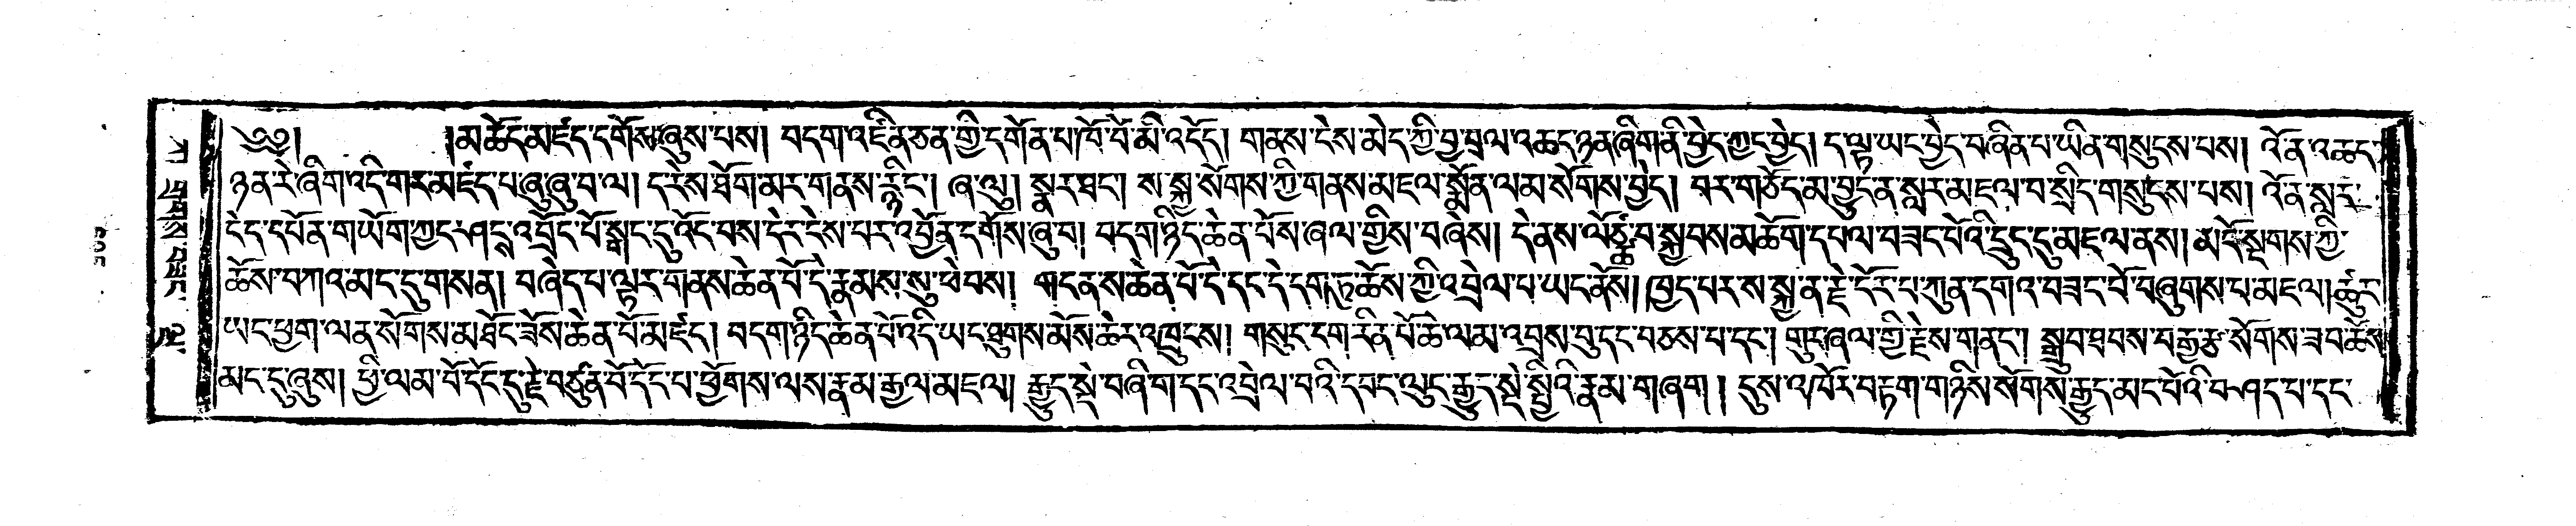༄༅། །མཆོད་མཛད་དགོས་ཞུས་པས། བདག་འཛིན་ཅན་གྱི་དགོན་པ་ཁོ་བོ་མི་འདོད། གནས་ངེས་མེད་ཀྱི་བྱ་བྲལ་འཆད་ཉན་ཞིག་ནི་བྱེད་ཀྱང་བྱེད། ད་ལྟ་ཡིད་བྱེད་བཞིན་པ་ཡིན་གསུངས་པས། འོ་ན་འཆད་
ཉན་རེ་ཞིག་འདི་གར་མཛད་པ་ཞུ་ཞུ་བ་ལ། ད་རེས་ཐོག་མར་གནས་རྙིང་། ཞ་ལུ། སྣར་ཐང་། ས་སྐྱ་སོགས་ཀྱི་གནས་མཇལ་སྨོན་ལམ་སོགས་བྱེད། བར་གཅོད་མ་བྱུང་ན་སླར་མཇལ་བ་སྲིད་གསུངས་པས། འོ་ན་སླར་
ངེད་དཔོན་གཡོག་ཀྱང་ཤངས་འབྲོང་པོ་སྒང་དུ་འོང་བས་དེར་ངེས་པར་འབྱོན་དགོས་ཞུ་བ། བདག་ཉིད་ཆེན་པོས་ཞལ་གྱིས་བཞེས། དེ་ནས་ལོཙྪ་བ་སྐྱབས་མཆོག་དཔལ་བཟང་པོའི་དྲུང་དུ་མཇལ་ནས། མདོ་སྔགས་ཀྱི་
ཆོས་བཀའ་མང་དུ་གསན། བཞེད་པ་ལྟར་གནས་ཆེན་པོ་དེ་རྣམས་སུ་ཕེབས། གདན་ས་ཆེན་པོ་དེ་དང་དེ་དག་ཏུ་ཆོས་ཀྱི་འབྲེལ་པ་ཡང་ནོས། ཁྱད་པར་ས་སྐྱ་ན་རྗེ་ངོར་པ་ཀུན་དགའ་བཟང་པོ་བཞུགས་པ་མཇལ། ཚུར་
ཡང་ཕྱག་ལན་སོགས་མཐོང་ཟོས་ཆེན་པོ་མཛད། བདག་ཉིད་ཆེན་པོ་འདི་ཡང་ཐུགས་མོས་ཆེར་འཁྲུངས། གསུང་དག་རིན་པོ་ཆེ་ལམ་འབྲས་བུ་དང་བཅས་པ་དང་། གུར་ཞལ་གྱི་རྗེས་གནང་། སྒྲུབ་ཐབས་བརྒྱ་རྩ་སོགས་ཟབ་ཆོས་
མང་དུ་ཞུས། ཕྱི་ལམ་བོ་དོང་དུ་རྗེ་བཙུན་པོ་དོང་པ་ཕྱོགས་ལས་རྣམ་རྒྱལ་མཇལ། རྒྱུད་སྡེ་བཞི་ག་དང་འབྲེལ་བའི་དབང་ལུང་རྒྱུད་སྡེ་སྤྱིའི་རྣམ་གཞག ། །དུས་འཁོར་བརྟག་གཉིས་སོགས་རྒྱུད་མང་པོའི་བཤད་པ་དང་